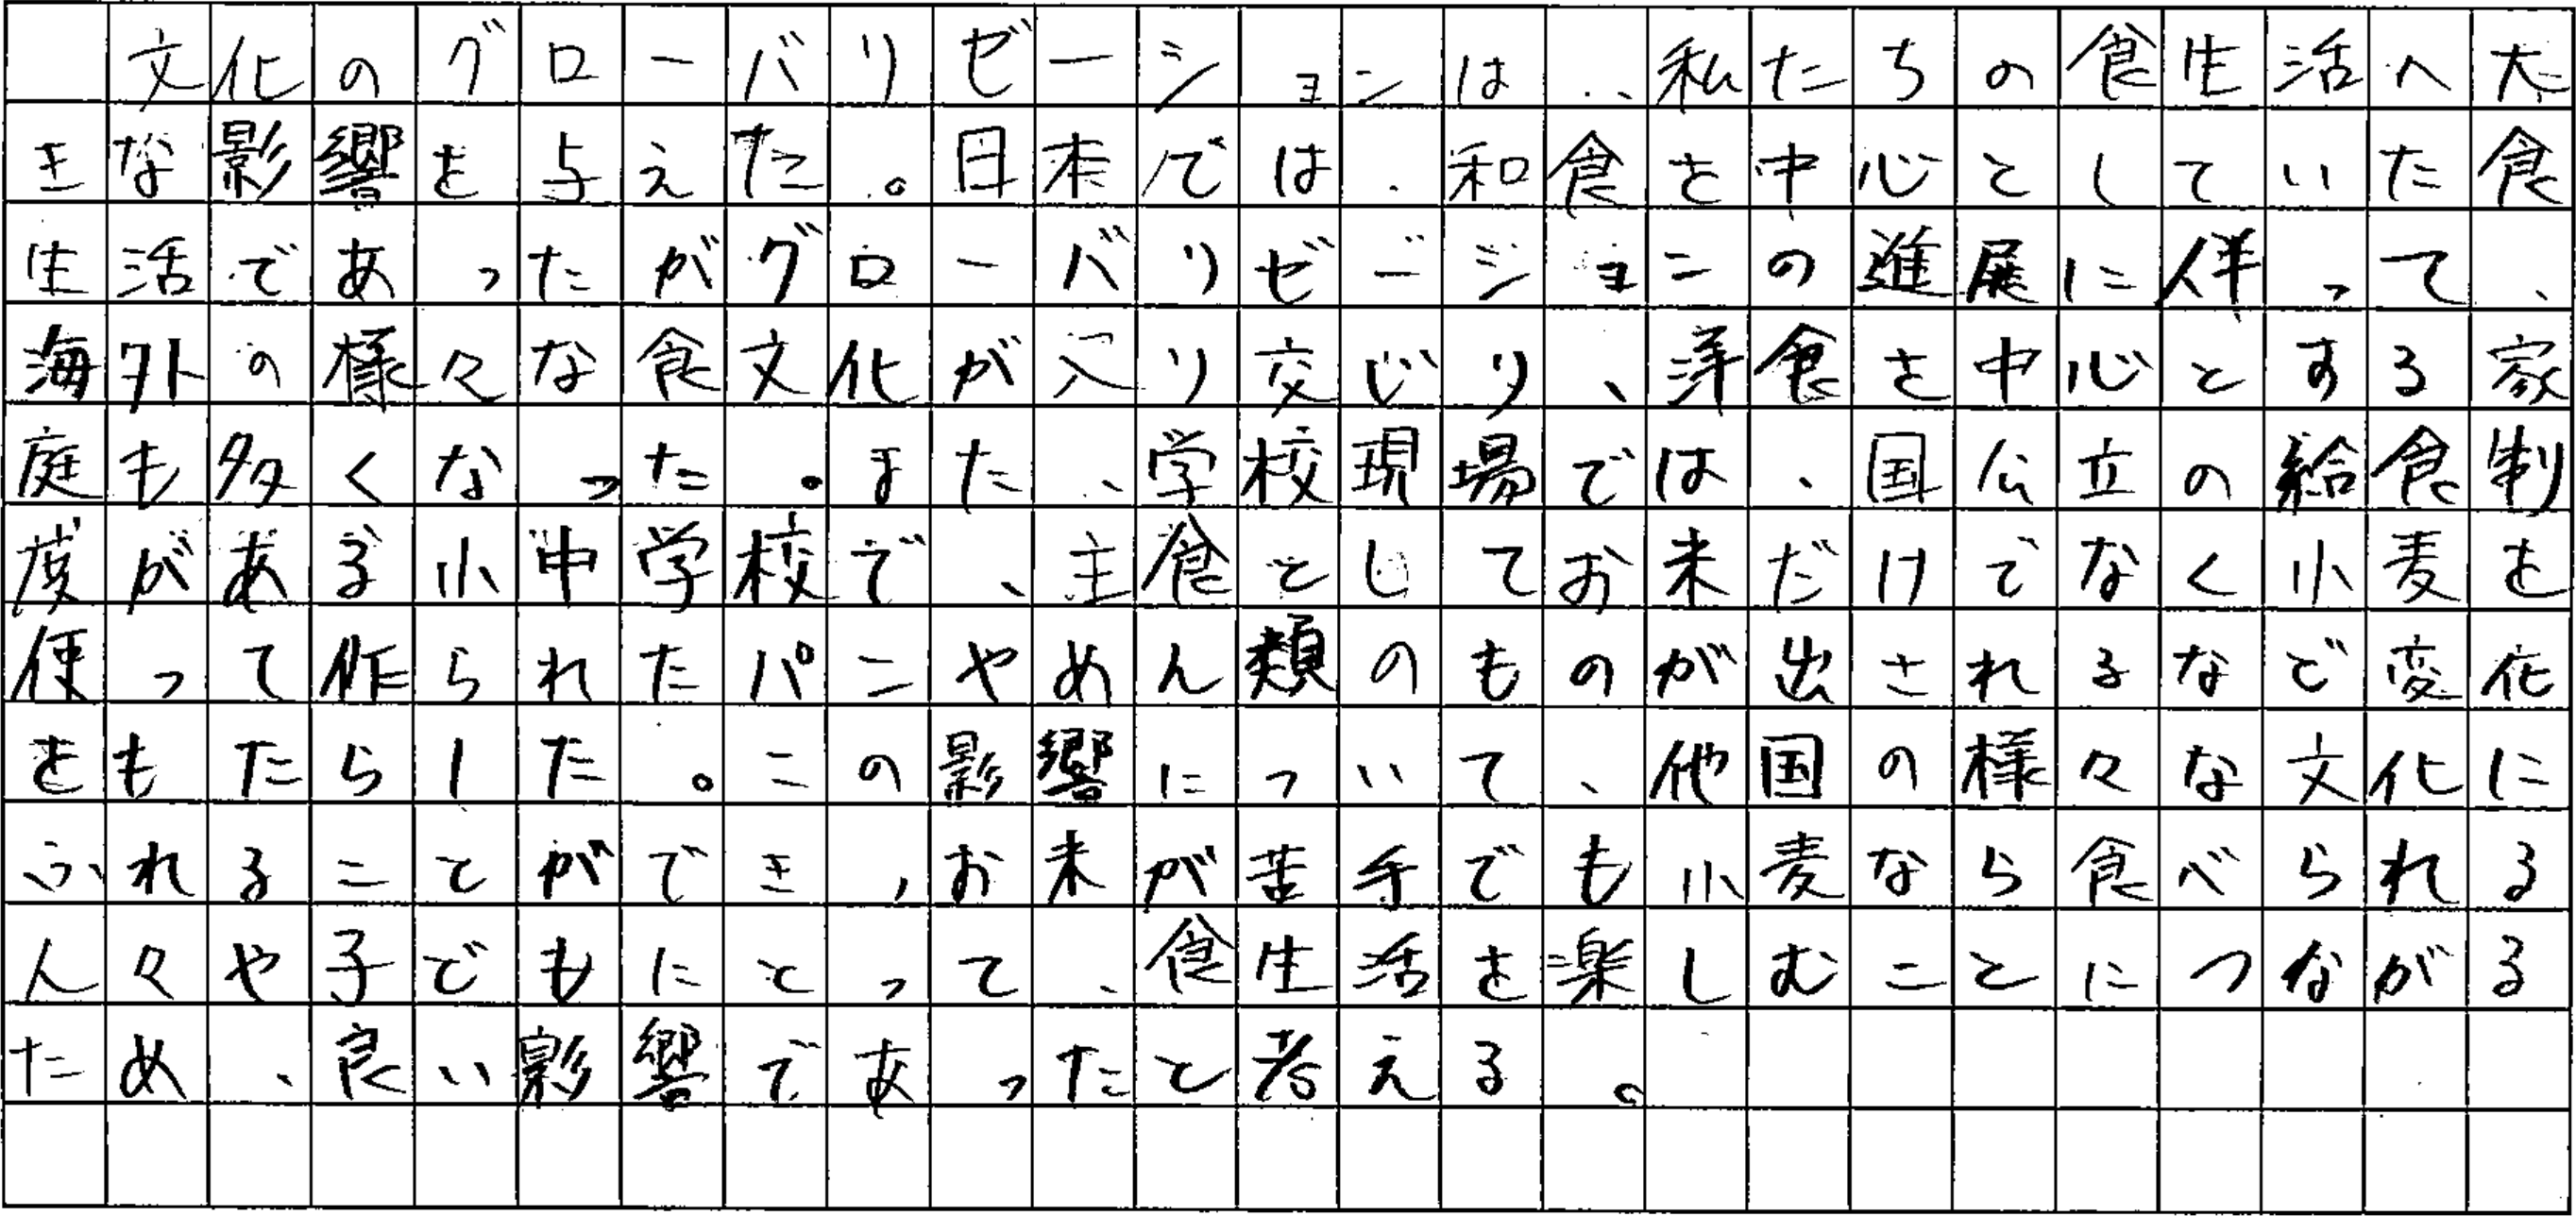　文化のグローバリゼーションは、私たちの食生活へ大きな影響を与えた。日本では、和食を中心としていた食生活であったがグローバリゼーションの進展に伴って、海外の様々な食文化が入り交じり、洋食を中心とする家庭も多くなった。また、学校現場では、国公立の給食制度がある小中学校で、主食としてお米だけでなく小麦を使って作られたパンやめん類のものが出されるなど変化をもたらした。この影響について、他国の様々な文化にふれることができ、お米が苦手でも小麦なら食べられる人々や子どもにとって、食生活を楽しむことにつながるため、良い影響であったと考える。
